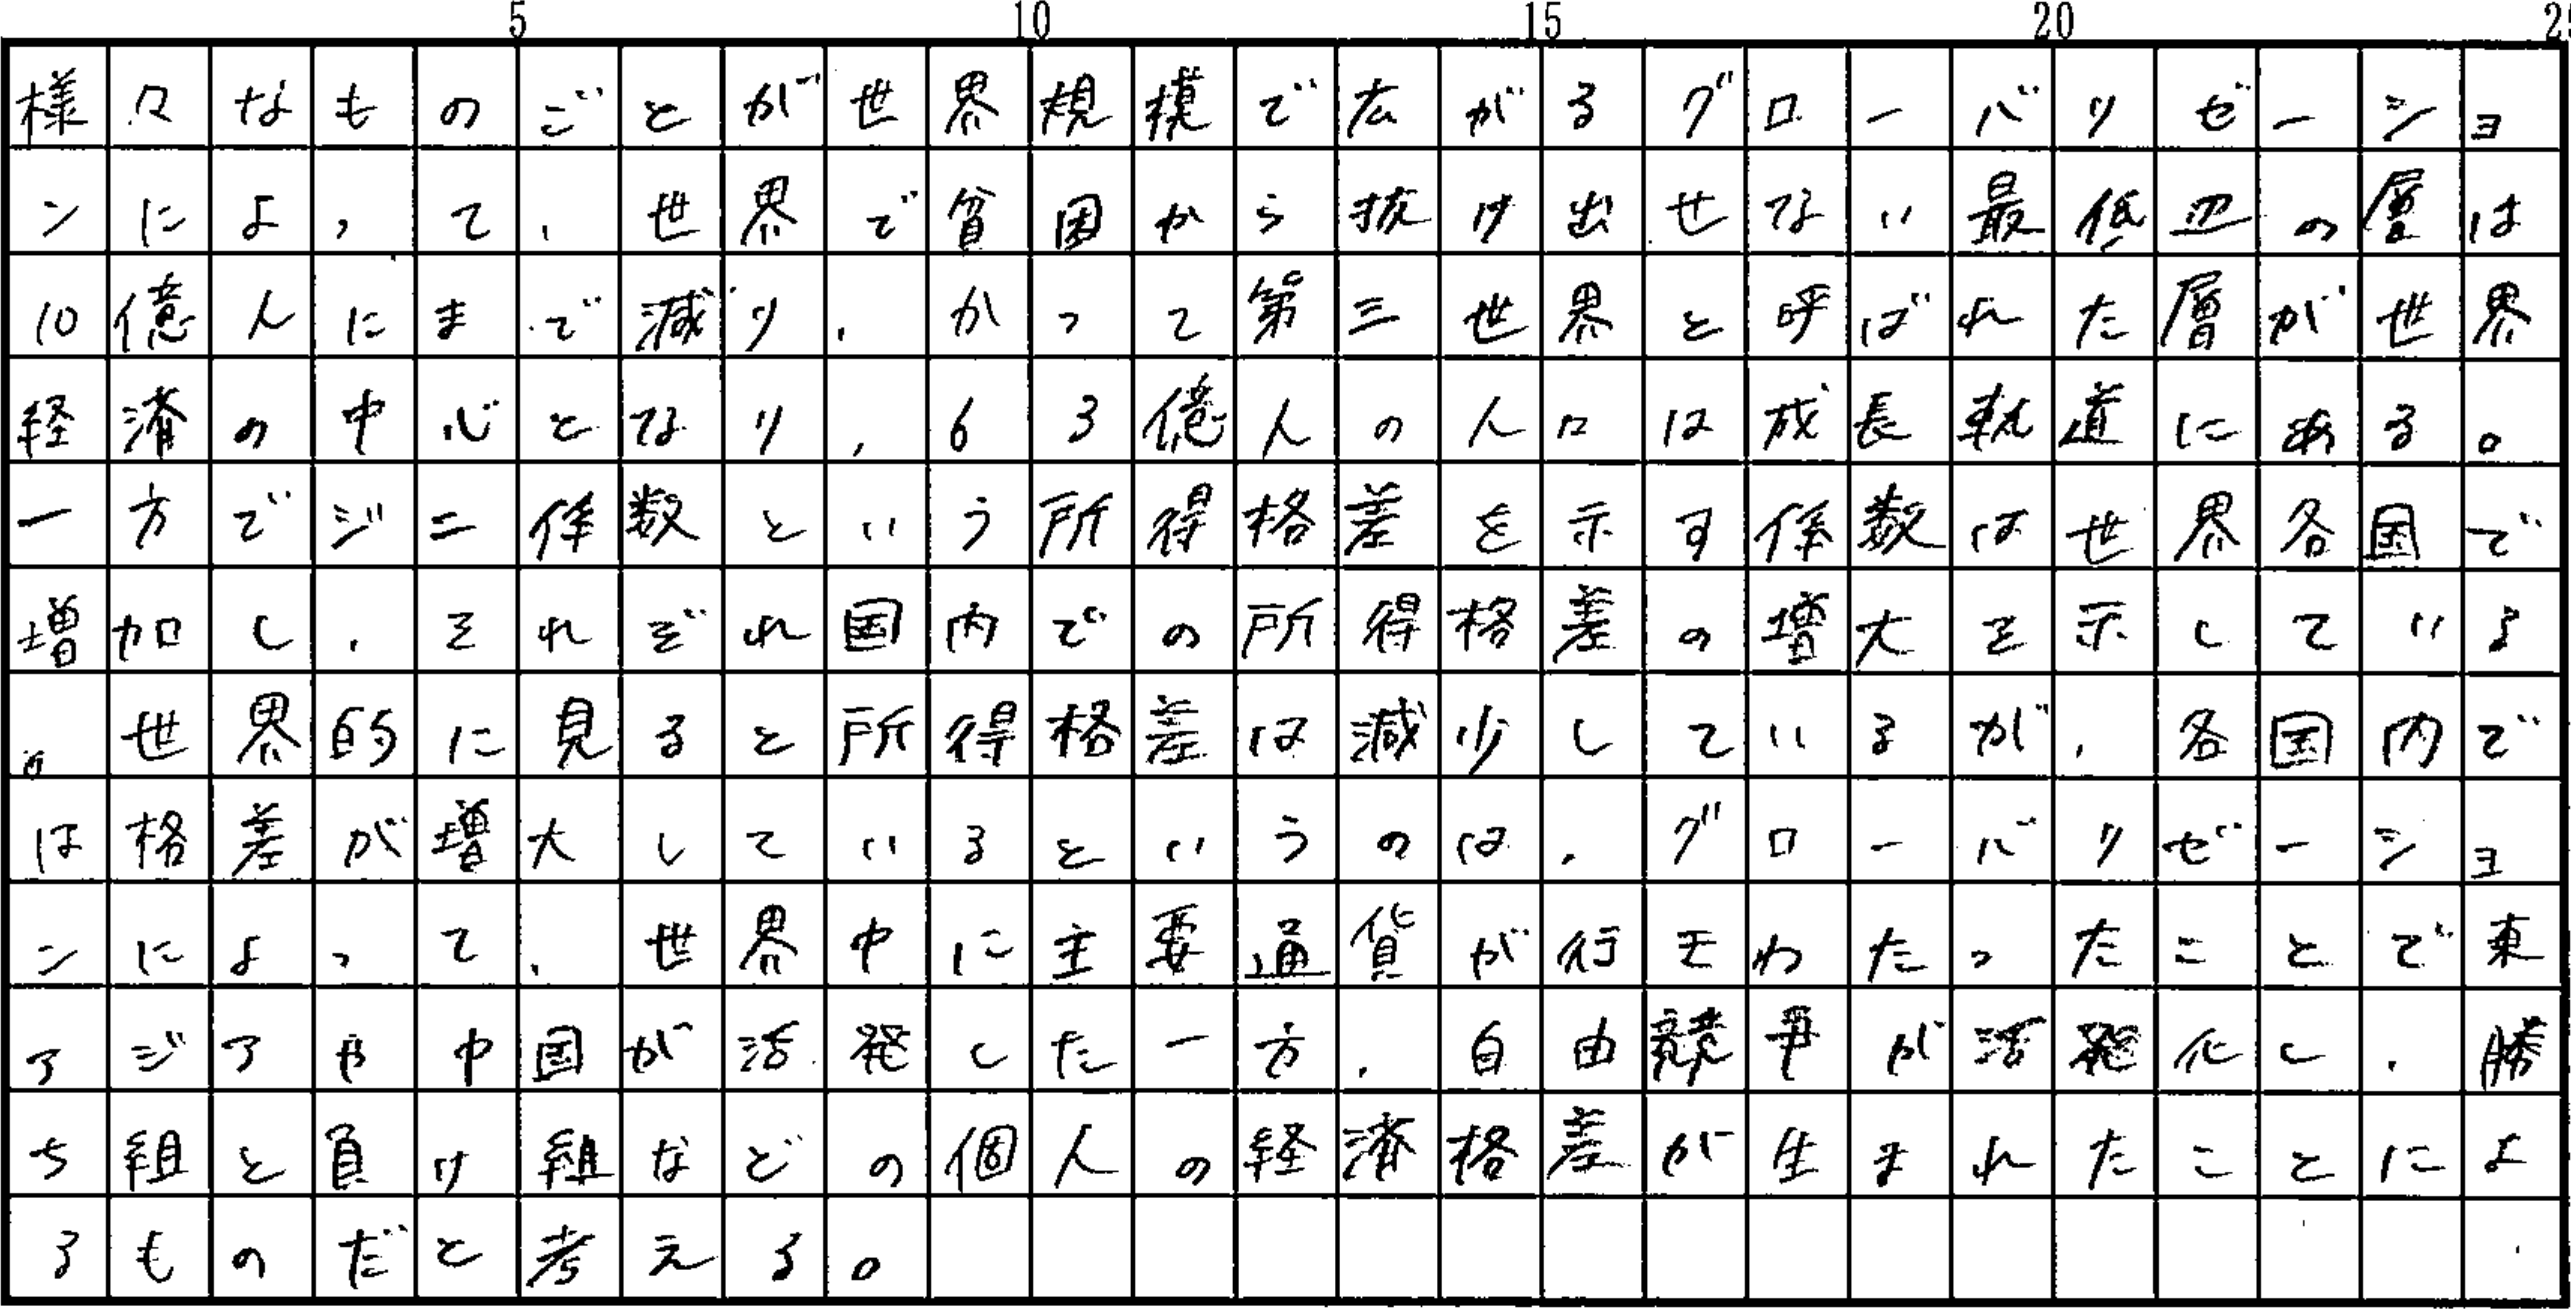様々なものごとが世界規模で広がるグローバリゼーションによって、世界で貧困から抜け出せない最低辺の層は１０億人にまで減り、かつて第三世界と呼ばれた層が世界経済の中心となり、６３億人の人々は成長軌道にある。一方でジニ係数という所得格差を示す係数は世界各国で増加し、それぞれ国内での所得格差の増大を示している。世界的に見ると所得格差は減少しているが、各国内では格差が増大しているというのは、グローバリゼーションによって、世界中に主要通貨が行きわたったことで東アジアや中国が活発した一方、自由競争が活発化し、勝ち組と負け組などの個人の経済格差が生まれたことによるものだと考える。
